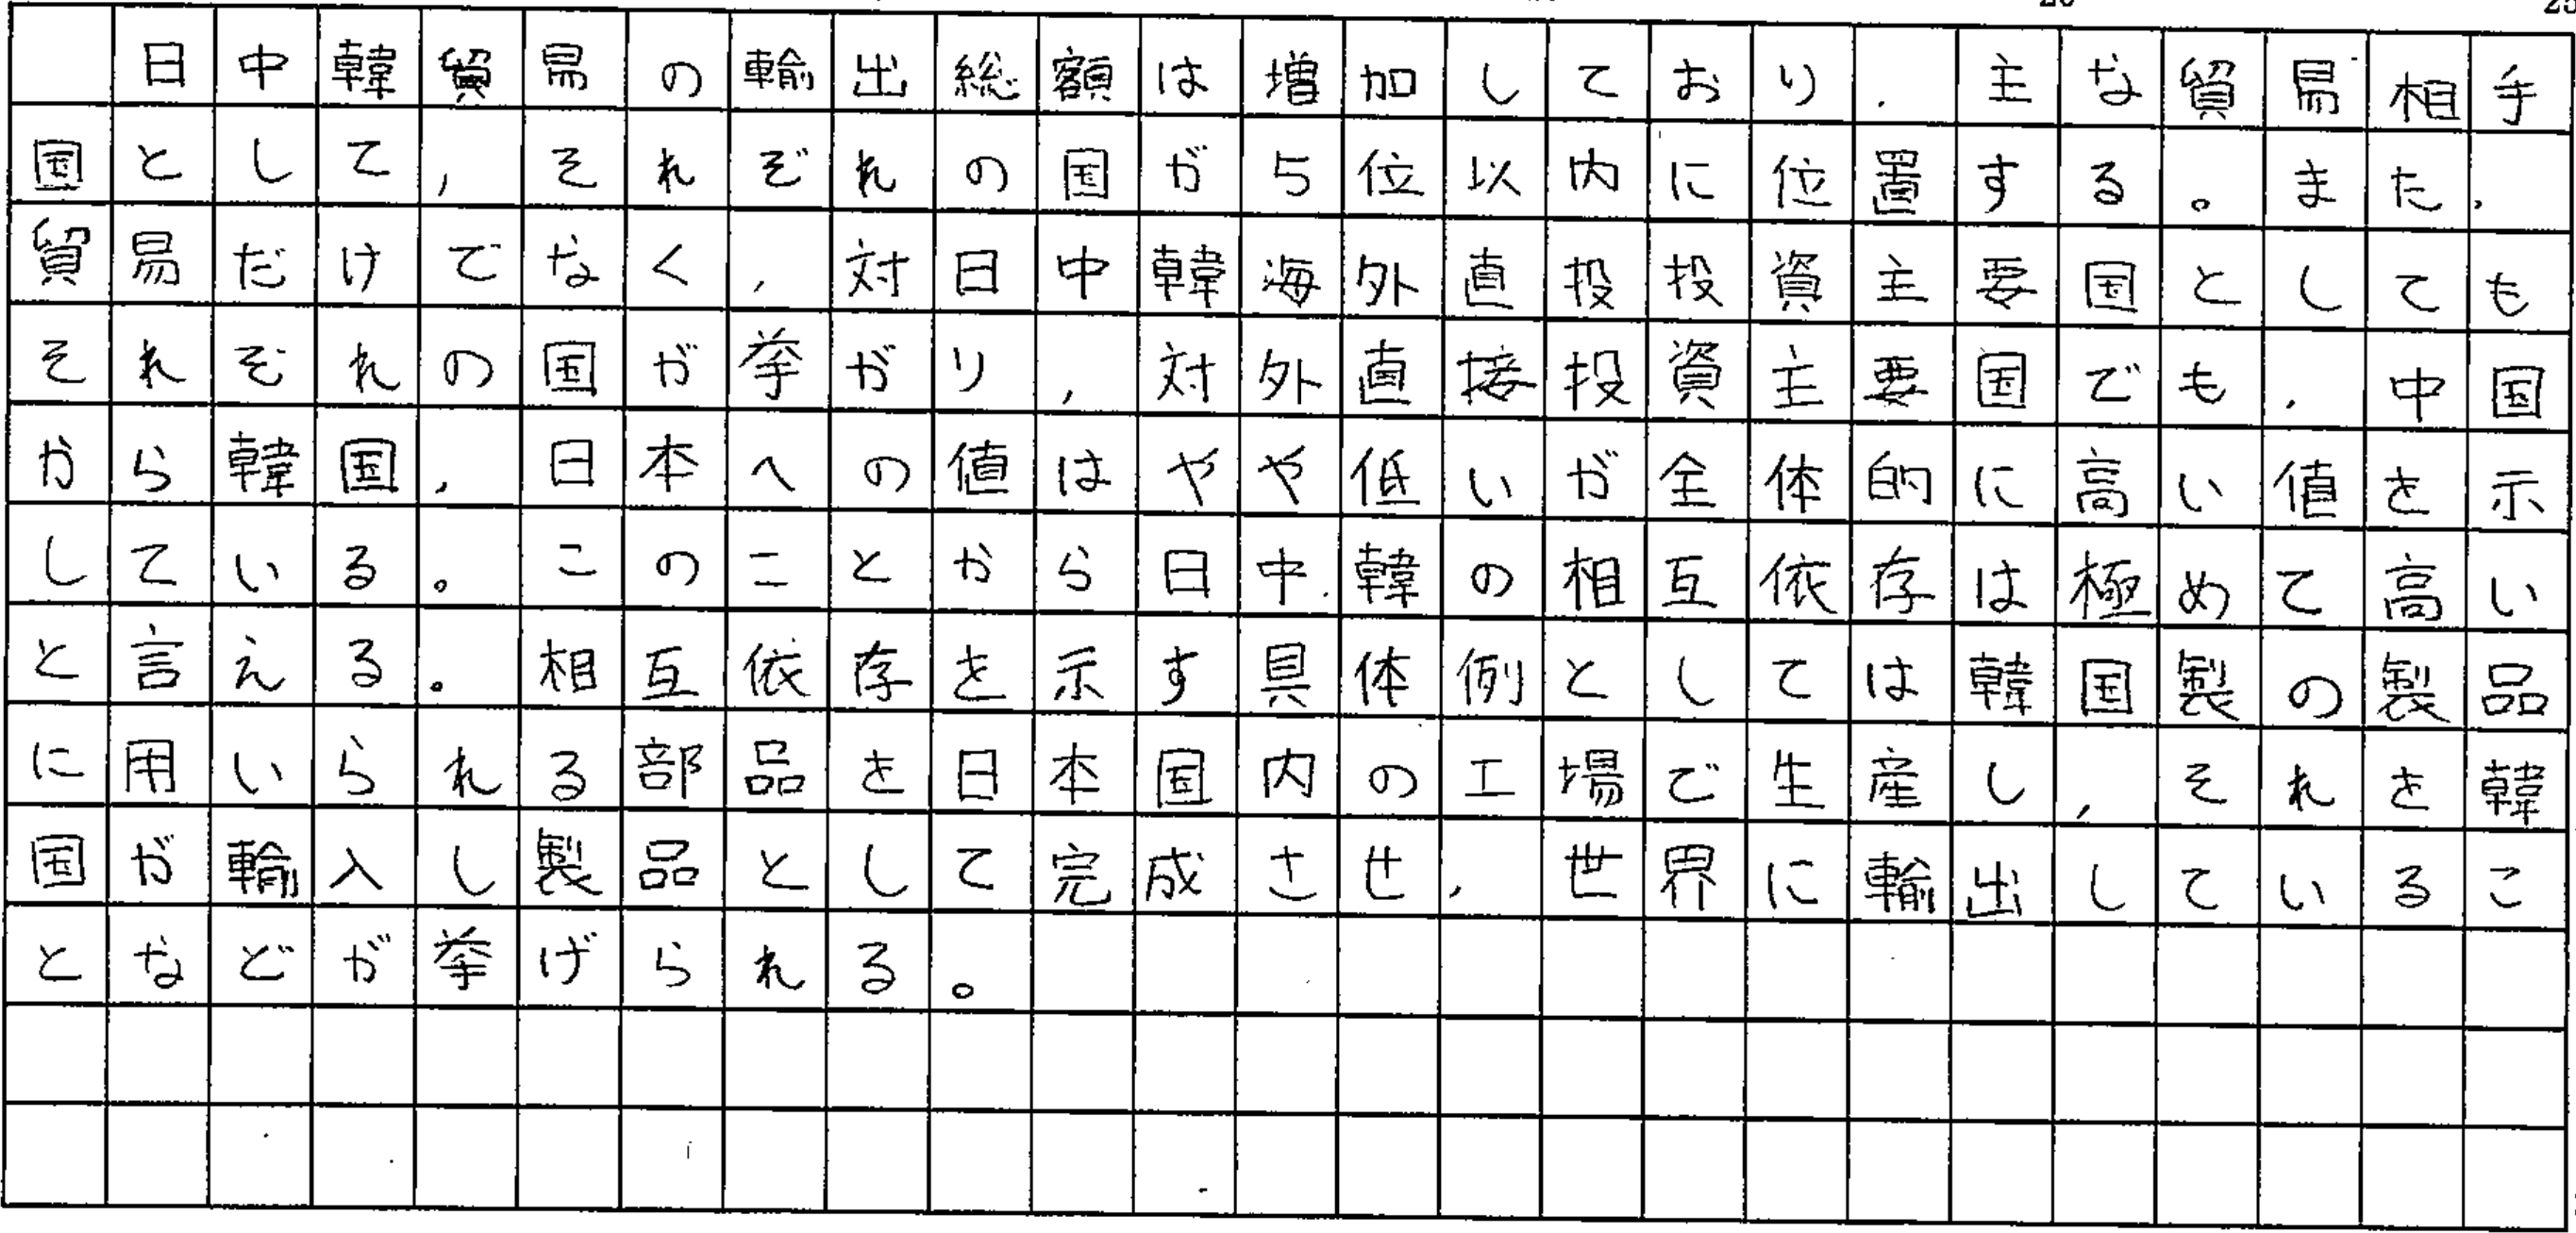　日中韓貿易の輸出総額は増加しており、主な貿易相手国として，それぞれの国が５位以内に位置する。また，貿易だけでなく，対日中韓海外直投投資主要国としてもそれぞれの国が挙がり，対外直接投資主要国でも，中国から韓国，日本への値はやや低いが全体的に高い値を示している。このことから日中韓の相互依存は極めて高いと言える。相互依存を示す具体例としては韓国製の製品に用いられる部品を日本国内の工場で生産し，それを韓国が輸入し製品として完成させ，世界に輸出していることなどが挙げられる。
